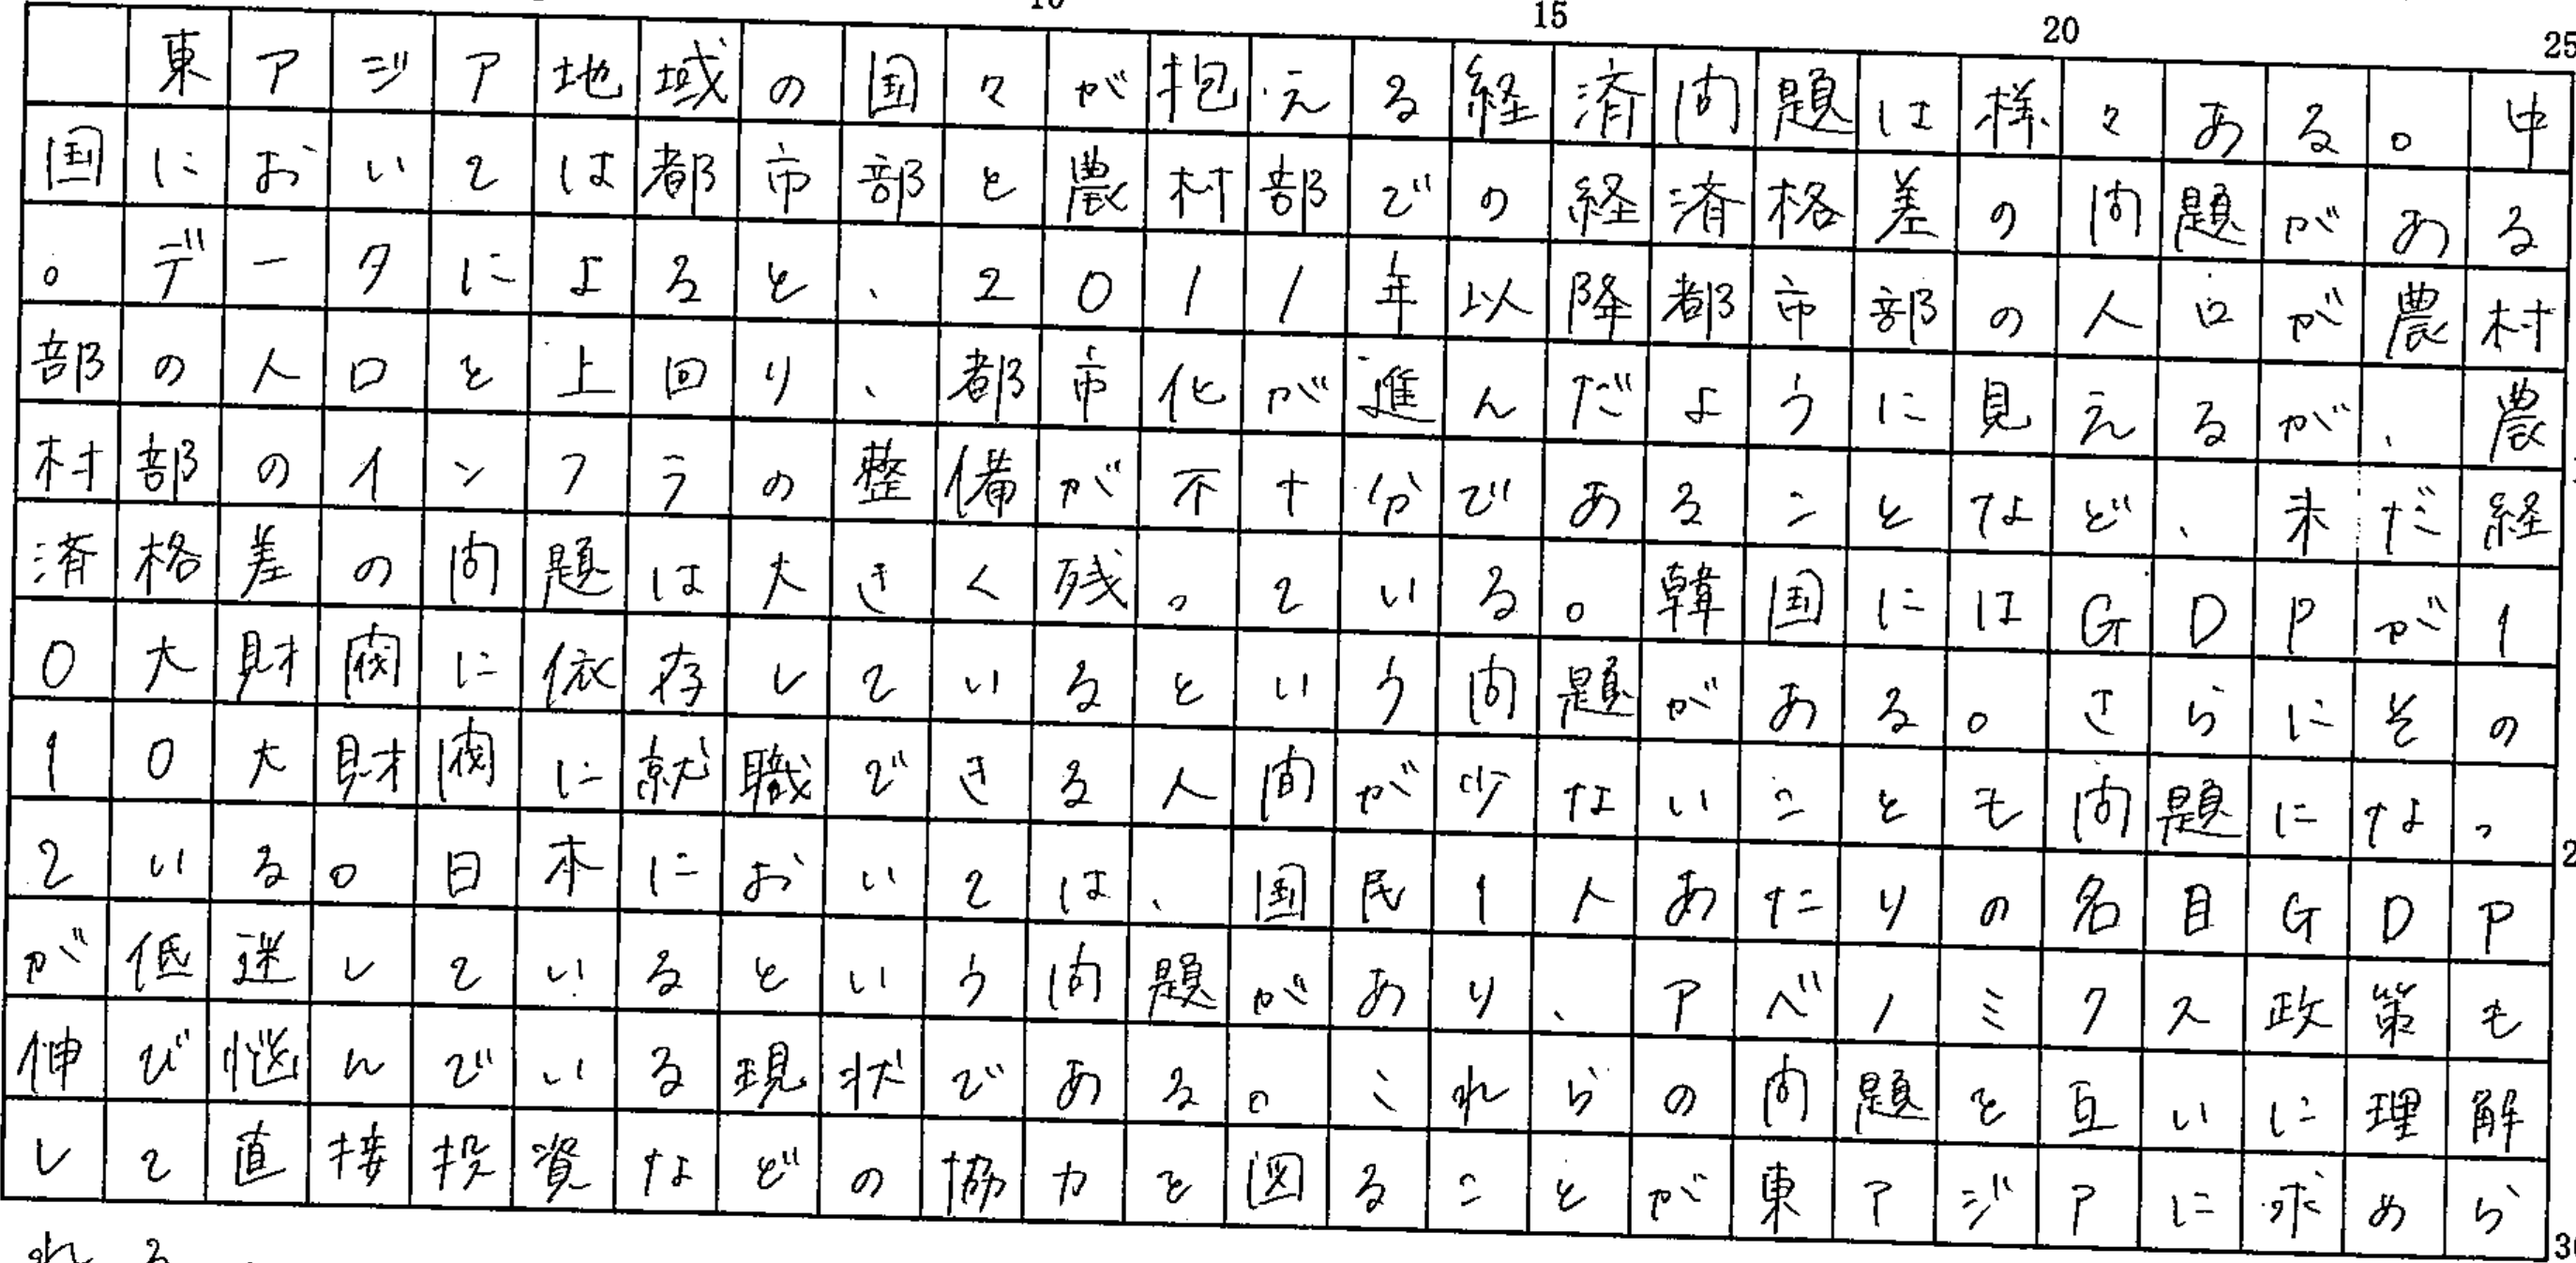　東アジア地域の国々が抱える経済問題は様々ある。中国においては都市部と農村部での経済格差の問題がある。データによると、２０１１年以降都市部の人口が農村部の人口を上回り、都市化が進んだように見えるが、農村部のインフラの整備が不十分であることなど、未だ経済格差の問題は大きく残っている。韓国にはＧＤＰが１０大財閥に依存しているという問題がある。さらにその１０大財閥に就職できる人間が少ないことも問題になっている。日本においては、国民１人あたりの名目ＧＤＰが低迷しているという問題があり、アベノミクス政策も伸び悩んでいる現状である。これらの問題を互いに理解して直接投資などの協力を図ることが東アジアに求められる。
